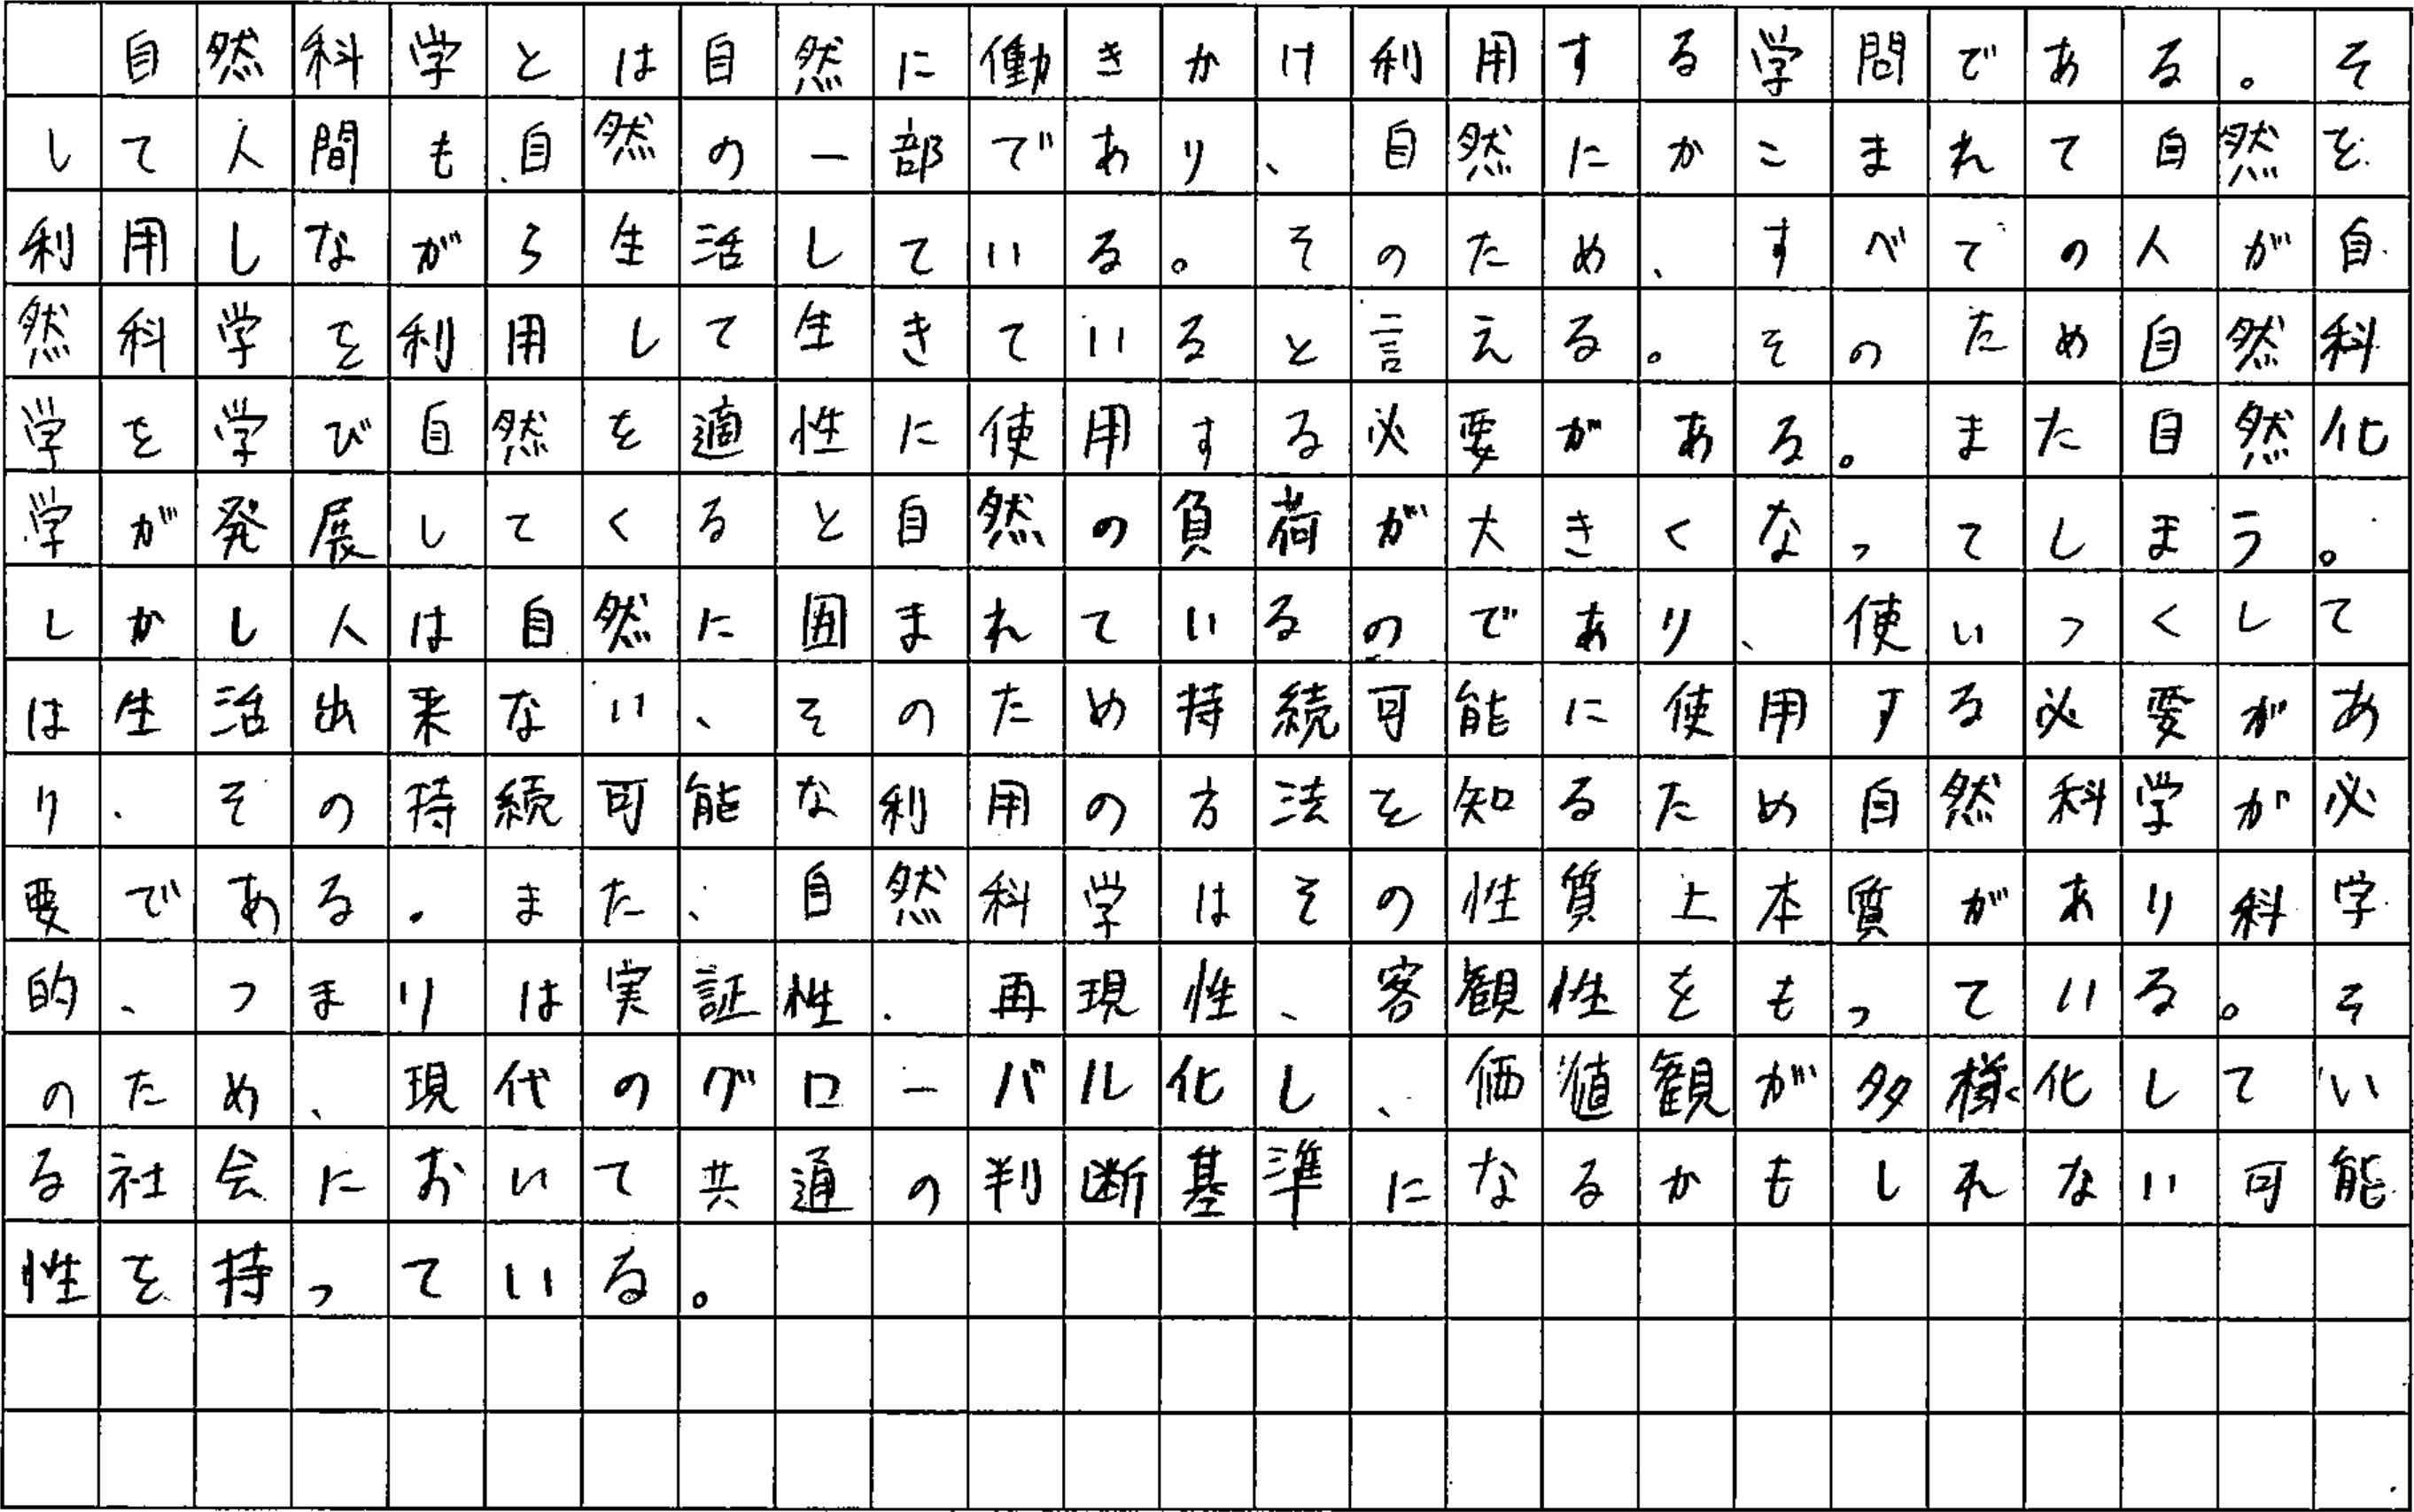　自然科学とは自然に働きかけ利用する学問である。そして人間も自然の一部であり、自然にかこまれて自然を利用しながら生活している。そのため、すべての人が自然科学を利用して生きていると言える。そのため自然科学を学び自然を適性に使用する必要がある。また自然化学が発展してくると自然の負荷が大きくなってしまう。しかし人は自然に囲まれているのであり、使いつくしては生活出来ない、そのため持続可能に使用する必要があり、その持続可能な利用の方法を知るため自然科学が必要である。また、自然科学はその性質上本質があり科学的、つまりは実証性、再現性、客観性をもっている。そのため、現代のグローバル化し、価値観が多様化している社会において共通の判断基準になるかもしれない可能性を持っている。
